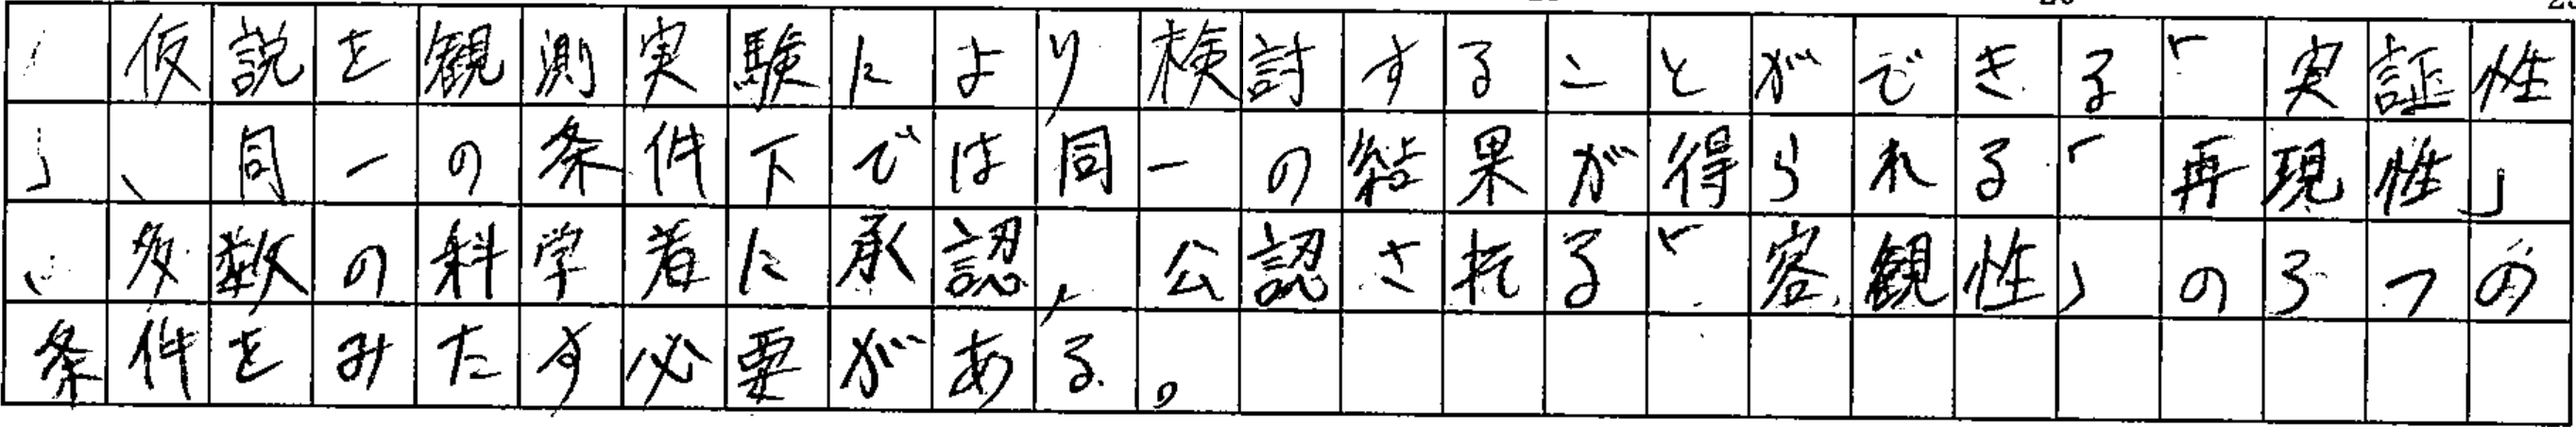　仮説を観測実験により検討することができる「実証性」、同一の条件下では同一の結果が得られる「再現性」、多数の科学者に承認、公認される「客観性」の３つの条件をみたす必要がある。
